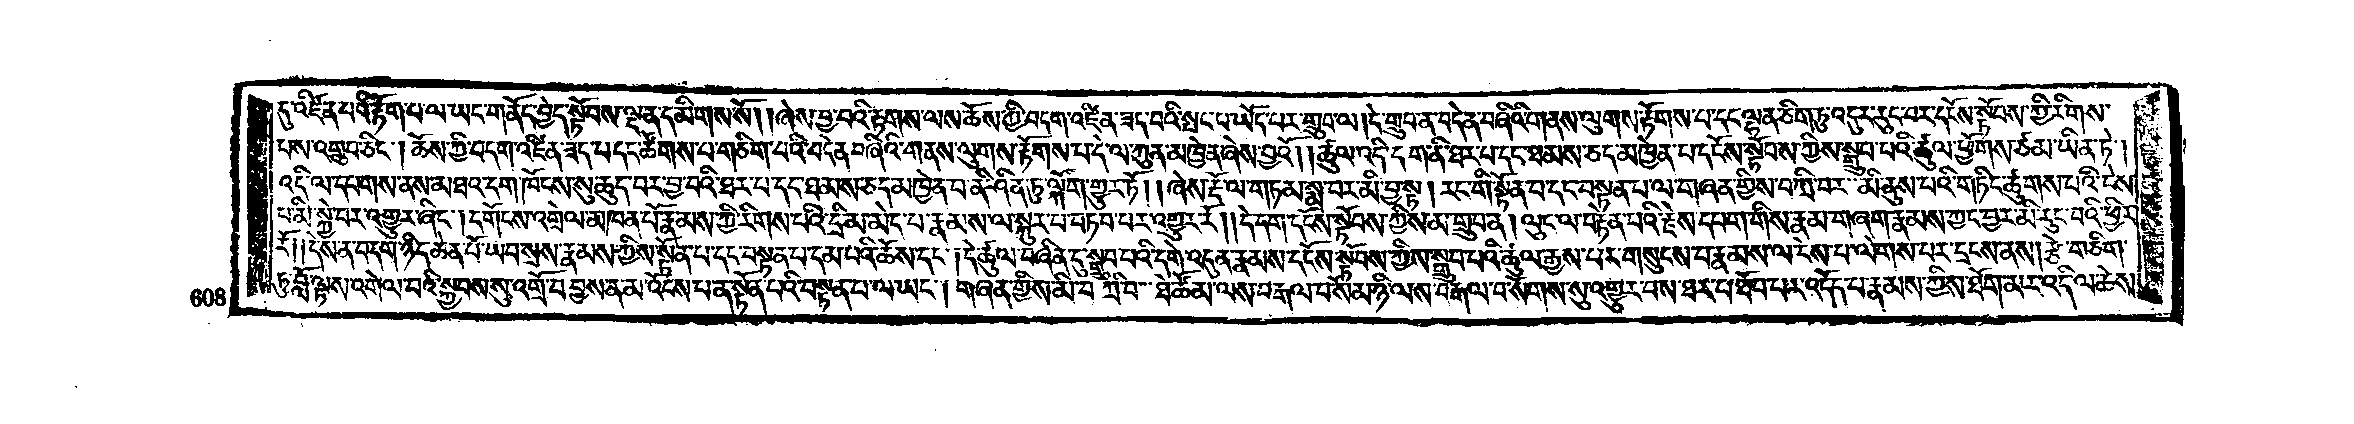དུ་འཛིན་པའི་རྟོག་པ་ལ་ཡང་གནོད་བྱེད་སྟོབས་ལྡན་དམིགས་སོ། །ཞེས་བྱ་བའི་རྟགས་ལས་ཆོས་ཀྱི་བདག་འཛིན་ཟད་པའི་སྤང་བ་ཡོད་པར་གྲུབ་ལ། དེ་གྲུབ་ན་བདེན་བཞིའི་གནས་ལུགས་རྟོགས་པ་དང་ལྷན་ཅིག་ཏུ་འདུར་རུང་བར་དངོས་སྟོབས་ཀྱི་རིགས་
པས་འགྲུབ་ཅིང་། ཆོས་ཀྱི་བདག་འཛིན་ཟད་པ་དང་ཚོགས་པ་གཅིག་པའི་བདེན་བཞིའི་གནས་ལུགས་རྟོགས་པ་དེ་ལ་ཀུན་མཁྱེན་ཞེས་བྱའོ། །ཚུལ་འདི་དག་ནི་ཐར་པ་དང་ཐམས་ཅད་མཁྱེན་པ་དངོས་སྟོབས་ཀྱི་སྒྲུབ་པའི་ཚུལ་ཕྱོགས་ཙམ་ཡིན་ཏེ།
འདི་ལ་དཔགས་ནས་མཐའ་དག་ཁོང་སུས་ཆུད་པར་བྱ་བའི་ཐར་པ་དང་ཐམས་ཅད་མཁྱེན་པ་ནི་ཤིན་ཏུ་ལྐོག་གྱུར་ཏོ། །ཞེས་རྡོ་ལ་གཏམ་སྨྲ་བར་མི་བྱ་སྟེ། རང་གི་སྟོན་པ་དང་བསྟན་པ་ལ་གཞན་གྱིས་བཀྲི་བར་མི་ནུས་པའི་གཏིང་ཚུགས་པའི་ངེས་
པ་མི་སྐྱེ་བར་འགྱུར་ཞིང་། དགོངས་འགྲེལ་མཁན་པོ་རྣམས་ཀྱི་རིགས་པའི་དྲི་མ་མེད་པ་རྣམས་ལ་སྐུར་པ་བཏབ་པར་འགྱུར་རོ། །དེ་དག་དངོས་སྟོབས་ཀྱིས་མ་གྲུབ་ན། ལུང་ལ་བརྟེན་པའི་རྗེས་དཔག་གིས་རྣམ་གཞག་རྣམས་ཀྱང་བྱར་མི་རུང་བའི་ཕྱིར་
རོ༑ ༑དེས་ན་བདག་ཉིད་ཆེན་པོ་ཡབ་སྲས་རྣམས་ཀྱིས་སྟོན་པ་དང་བསྟན་པ་དམ་པའི་ཆོས་དང་། དེ་ཚུལ་བཞིན་དུ་སྒྲུབ་པའི་དགེ་འདུན་རྣམས་དངོས་སྟོབས་ཀྱིས་སྒྲུབ་པའི་ཚུལ་རྒྱས་པར་གསུངས་པ་རྣམས་ལ་ངེས་པ་ལེགས་པར་དྲངས་ནས། རྩེ་གཅིག་
ཏུ་བློ་ལྟས་འགེལ་པའི་སྐྱབས་སུ་འགྲོ་བ་བྱས་ན་མ་འོངས་པ་ན་སྟོན་པའི་བསྟན་པ་ལ་ཡང་། གཞན་གྱིས་མི་བཀྲི?་བ་ཐེ་ཚོམ་ལས་བརྒལ་བ་སོམ་ཉི་ལས་བརྒལ་བ་སོགས་སུ་འགྱུར་བས་ཐར་པ་ཐོབ་པར་འདོད་པ་རྣམས་ཀྱིས་ཐོག་མར་འདི་ལ་ཆེས་